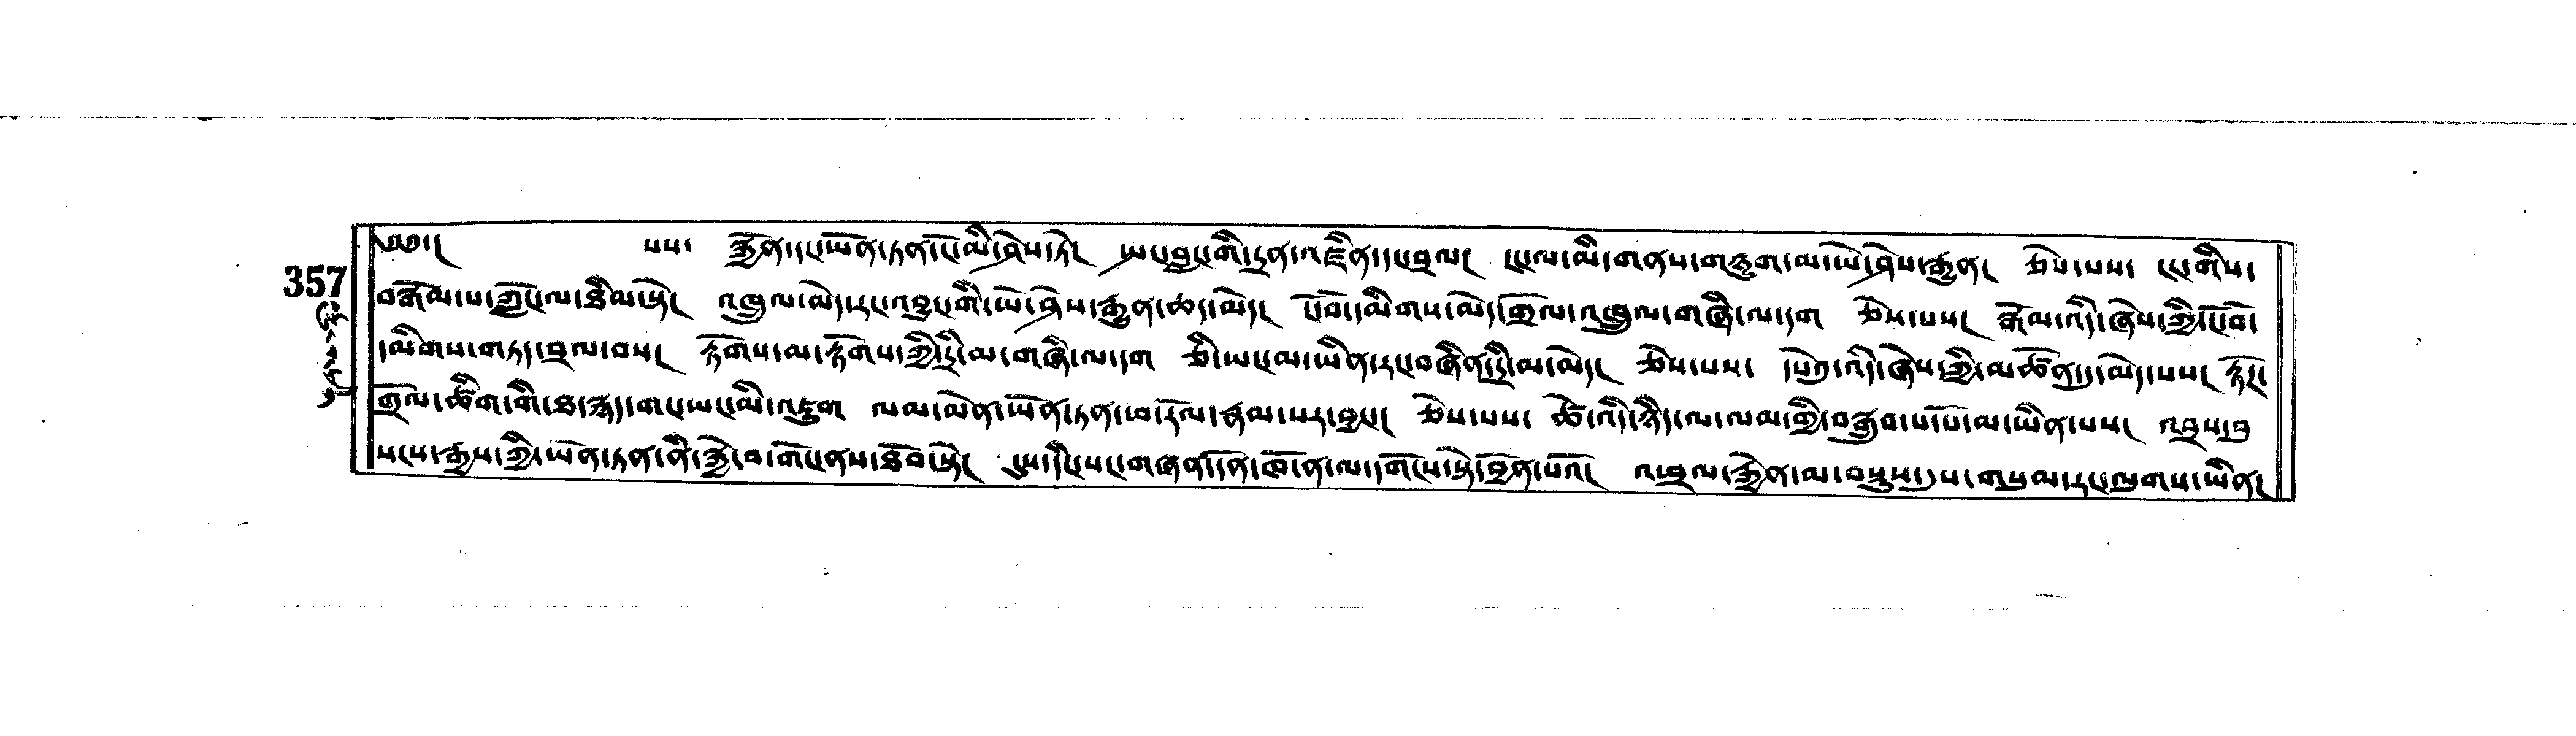པས། སྐྱོན་དང་ཡོན་ཏན་ངོ་མི་ཤེས་ཏེ། སྤང་བླང་གི་དྲན་འཛིན་དང་བྲལ། ངང་ལ་མི་གནས་གཉུག་མ་ཡེ་ཤེས་རྒྱུན། ཅེས་པས། ངང་གིས་
སྒོམ་པ་ཀློང་ལ་ཐིམ་སྟེ། འཁྲུལ་མེད་རང་འབྱུང་གི་ཡེ་ཤེས་རྒྱུན་ཆད་མེད། ངོ་བོ་དམིགས་མེད་གྲོལ་འཁྲུལ་གཞི་ལ་དག ཅེས་པས། སྒོམ་འདི་ཞེས་ཀྱི་ངོ་བོ་
དམིགས་གཏད་བྲལ་བས། རྟོགས་མ་རྟོགས་ཀྱི་དྲི་མ་གཞི་ལ་དག ཅི་ཡང་མ་ཡིན་རང་བཞིན་དྲི་མ་མེད། དཔེའུ་འདི་ཞེས་ཀྱི་མཚོན་དུ་མེད་པས། རྟོགས་
གྲོལ་ཚིག་གི་ཐ་སྙད་གང་ཡང་མི་འཇུག ལམ་མེན་ཡོན་ཏན་ཕ་རོལ་རྣམ་པར་བྱང་། ཅེས་པས། ཚེ་འདི་ཉིད་ལ་ལམ་གྱི་སྒྲུབ་པ་པོ་མ་ཡིན་པས། འབྲས་བུ་
སངས་རྒྱས་ཀྱི་ཡོན་ཏན་ནི་སྐྱེ་བ་གོང་ནས་ཐོབ་སྟེ། དུས་དེང་སང་གཞན་དོན་ཁོ་ན་ལ་དགོངས་ཏེ་བྱོན་པའོ། འཕྲལ་རྐྱེན་མ་བསྡུས་དུས་གསུམ་རང་ལུགས་ཡིན།